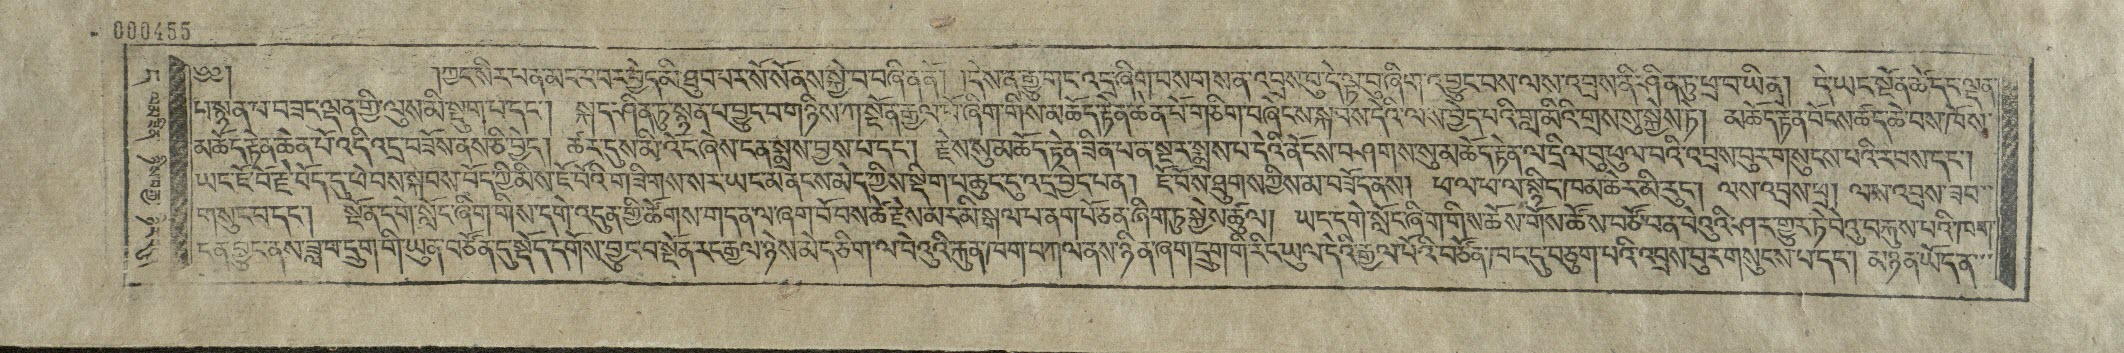༄༅། །ཀྱང་སིར་པན་མངར་བར་བྱེད་མི་ཐུབ་པར་སོ་སོ་ནས་སྐྱེ་བ་བཞིན་ནོ། །དེས་ན་རྒྱུ་གང་འདྲ་ཞིག་བསགས་ན་འབྲས་བུ་དེ་ལྟ་བུ་ཞིག་འབྱུང་བས་ལས་འབྲས་ནི་ཤིན་ཏུ་ཕྲ་བ་ཡིན། དེ་ཡང་སྔོན་ཚེ་དང་ལྡན་
པ་སྙན་པ་བཟང་ལྡན་གྱི་ལུས་མི་སྡུག་པ་དང་། སྐད་ཤིན་ཏུ་སྙན་པ་བྱུང་བ་གཉིས་ཀ་སྔོན་རྒྱལ་པོ་ཞིག་གིས་མཆོད་རྟེན་ཆེན་པོ་གཅིག་བཞེངས་སྐབས་དེའི་ལས་བྱེད་པའི་གླ་མིའི་གྲས་སུ་སྐྱེས་ཏེ། མཆོད་རྟེན་བོངས་ཚད་ཆེ་བས་ཁོས་
མཆོད་རྟེན་ཆེན་པོ་འདི་འདྲ་བཟོས་ནས་ཅི་བྱེད། ཚར་དུས་མི་འོང་ཞེས་ངན་སྨྲས་བྱས་པ་དང་། རྗེས་སུ་མཆོད་རྟེན་ཟིན་པ་ན་སྔར་སྨྲས་པ་དེའི་ནོངས་བཤགས་སུ་མཆོད་རྟེན་ལ་དྲིལ་བུ་ཕུལ་བའི་འབྲས་བུར་གསུངས་པའི་རབས་དང་།
ཡང་ཇོ་བོ་རྗེ་བོད་དུ་ཕེབས་སྐབས་བོད་ཀྱི་མིས་ཇོ་བོའི་གཟིགས་སར་ཡང་མནངས་མེད་ཀྱིས་སྡིག་པ་ཆུང་ངུ་འདྲ་བྱེད་པ་ན། ཇོ་བོས་ཐུགས་ཀྱིས་མ་བཟོད་ནས། ཕ་ལ་ཕ་ལ་སྙིང་ཁམ་ཆེར་མི་རུང་། ལས་འབྲས་ཕྲ། ལས་འབྲས་ཟབ་
གསུང་བ་དང་། སྔོན་དགེ་སློང་ཞིག་གིས་དགེ་འདུན་གྱི་ཚོགས་གདན་ལ་ཞག་བོ་བས་ཚེ་རྗེས་མར་མི་སྒལ་པ་ནག་པོ་ཅན་ཞིག་ཏུ་སྐྱེས་ཚུལ། ཡང་དགེ་སློང་ཞིག་གིས་ཆོས་གོས་ཚོས་བཙོ་བ་ན་བེའུའི་ཤར་གྱུར་ཏེ་བེའུ་བརྐུས་པའི་ཁག་
ངན་བྱུང་ནས་ཟླ་བ་དྲུག་གི་ཡུན་བཙོན་དུ་སྡོད་དགོས་བྱུང་བ་སྔོན་རང་རྒྱལ་ཉེས་མེད་ཅིག་ལ་བེའུའི་རྐུན་ཁག་བཀལ་ནས་ཉིན་ཞག་དྲུག་གི་རིང་ཡུལ་དེའི་རྒྱལ་པོའི་བཙོན་ཁང་དུ་བཅུག་པའི་འབྲས་བུར་གསུངས་པ་དང་། མཉན་ཡོད་ན་